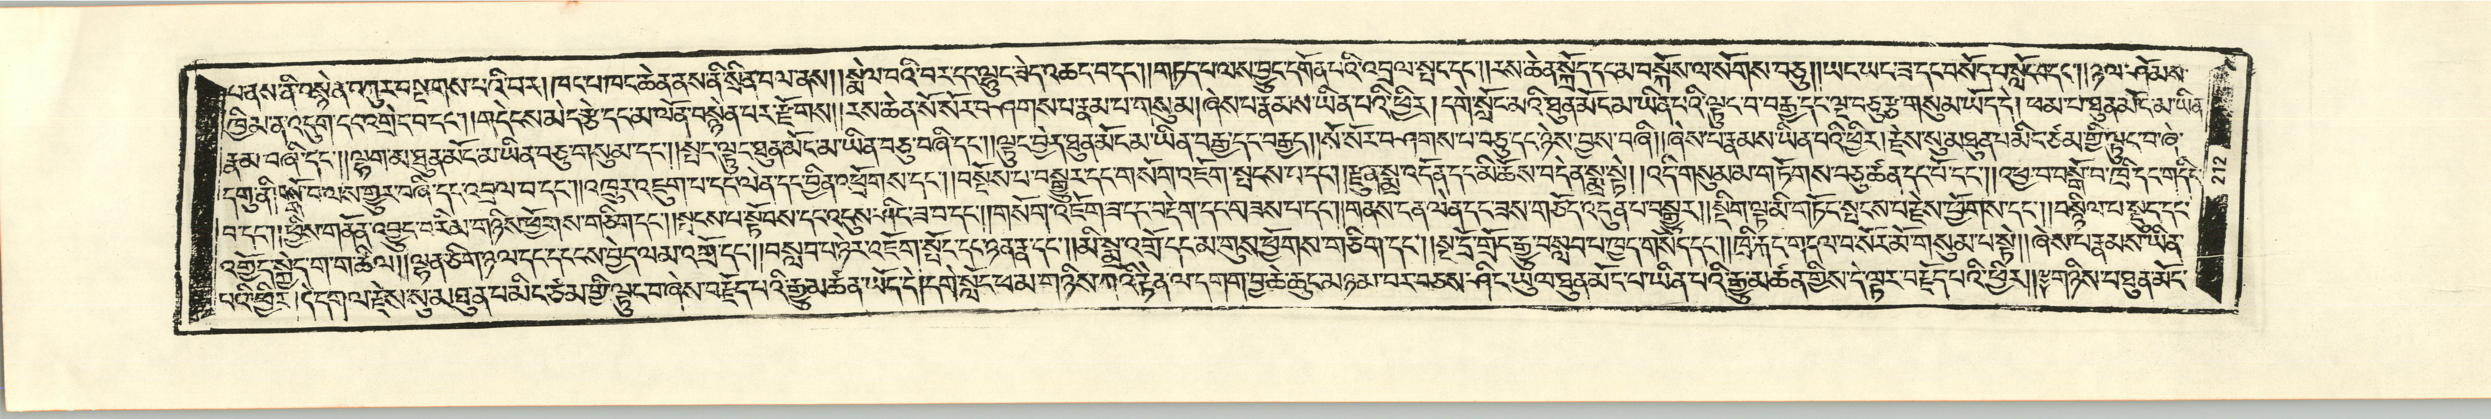པ་ནས་ནི་བསྙེན་བཀུར་བསྔགས་པའི་བར། ཁང་པ་ཁང་ཆེན་ནས་ནི་སྲིན་བལ་ནས། །སྨེལ་བའི་བར་དང་ལྷུང་ཟེད་འཆང་བ་དང་། །གཏད་པ་ལས་བྱུང་དགོན་པའི་འབྲལ་སྤང་དང་། །རས་ཆེན་སྐྲོད་དང་མ་བསྐོས་ལ་སོགས་བཅུ། །ཡང་ཡང་ཟ་དང་བསོད་པ་སློང་བ་དང་། །ཉལ་ཤོམས་
ཁྱིམ་ན་འདུག་དང་འགྲེང་བ་དང་། །གདེངས་མེད་རྩེ་དང་མ་ལོན་བསྙེན་པར་རྫོགས། །རས་ཆེན་སོ་སོར་བཤགས་པ་རྣམ་པ་གསུམ། ཞེས་པ་རྣམས་ཡིན་པའི་ཕྱིར། དགེ་སློང་མའི་ཐུན་མོང་མ་ཡིན་པའི་ལྟུང་བ་བརྒྱ་དང་ལྔ་བཅུ་རྩ་གསུམ་ཡོད་དེ། ཕམ་པ་ཐུན་མོང་མ་ཡིན་
རྣམ་བཞི་དང་། །ལྷག་མ་ཐུན་མོང་མ་ཡིན་བཅུ་གསུམ་དང་། །སྤང་ལྟུང་ཐུན་མོང་མ་ཡིན་བཅུ་བཞི་དང་། །ལྟུང་བྱེད་ཐུན་མོང་མ་ཡིན་བརྒྱ་དང་བརྒྱད། །སོ་སོར་བཤགས་པ་བཅུ་དང་ཉེས་བྱས་བཞི། །ཞེས་པ་རྣམས་ཡིན་པའི་ཕྱིར། རྗེས་སུ་མཐུན་པ་མིང་ཙམ་གྱི་ལྟུང་བ་ཞེ་
དགུ་ནི། བསྒོ་བ་ལས་གྱུར་བཞི་དང་འབྲལ་བ་དང་། །འཁྲུར་འཇུག་པ་དང་ལེན་དང་བྱིན་འཕྲོགས་དང་། །བསྔོས་པ་བསྒྱུར་དང་གསོག་འཇོག་སྤངས་པ་དང་། །རྫུན་སྨྲ་འདོན་དང་མི་ཆོས་བདེན་སྨྲ་སྟེ། །འདི་གསུམ་མ་གཏོགས་བཅུ་ཚན་དང་པོ་དང་། །འཕྱ་བ་བསྒོ་བ་ཁྲི་དང་གདིང་
བ་དང་། །ཕྱིས་གནོན་འབྱུང་བ་རིམ་གཉིས་ཕྱོགས་གཅིག་དང་། །སྤངས་པ་སྟོབས་དང་འདུས་ཤིང་ཟ་བ་དང་། །གསོག་འཇོག་ཟ་དང་བརྡེག་དང་གཟས་པ་དང་། །གནས་ངན་ལེན་དང་ཟས་གཅོད་འདུན་པ་བསྒྱུར། །སྡིག་ལྟ་མི་གཏོང་སྤངས་པ་རྗེས་ཕྱོགས་དང་། །བསྙིལ་པ་སྡུད་དང་
འགྱོད་སྐྱེད་ག་ག་ཚིལ། །ལྷན་ཅིག་ཉལ་དང་དངངས་བྱེད་ལམ་འགྲོ་དང་། །བསླབ་པ་ཉེར་འཇོག་སྤོང་དང་ཉན་རྣ་དང་། །མི་སྨྲ་འགྲོ་དང་མ་གུས་ཕྱོགས་གཅིག་དང་། །སྔ་དྲོ་གྲོང་རྒྱུ་བསླབ་པ་ཁྱད་གསོད་དང་། །ཁྲི་རྐང་གདལ་བ་སོར་མོ་གསུམ་པ་སྟེ། །ཞེས་པ་རྣམས་ཡིན་
པའི་ཕྱིར། དེ་དག་ལ་རྗེས་སུ་མཐུན་པ་མིང་ཙམ་གྱི་ལྟུང་བ་ཞེས་བརྗོད་པའི་རྒྱུ་མཚན་ཡོད་དེ། དགེ་སློང་ཕ་མ་གཉིས་ཀའི་རྟེན་ལ་དགག་བྱ་ཆེ་ཆུང་མཉམ་བར་བཅས་ཤིང་ཡུལ་ཐུན་མོང་པ་ཡིན་པའི་རྒྱུ་མཚན་གྱིས་དེ་ལྟར་བརྗོད་པའི་ཕྱིར།། ༈ གཉིས་པ་ཐུན་མོང་